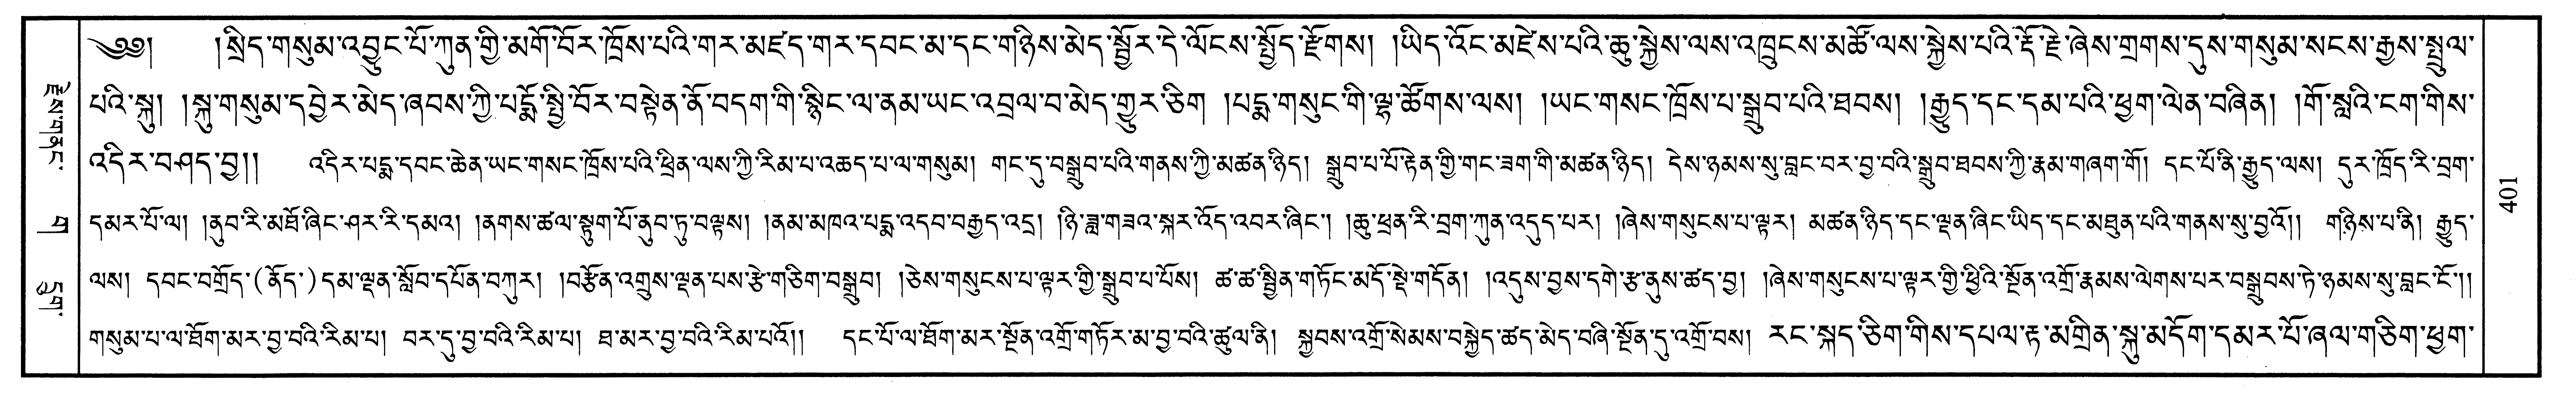༄༅། །སྲིད་གསུམ་འབྱུང་པོ་ཀུན་གྱི་མགོ་བོར་ཁྲོས་པའི་གར་མཛད་གར་དབང་མ་དང་གཉིས་མེད་སྦྱོར་དེ་ལོངས་སྤྱོད་རྫོགས། །ཡིད་འོང་མཛེས་པའི་ཆུ་སྐྱེས་ལས་འཁྲུངས་མཚོ་ལས་སྐྱེས་པའི་རྡོ་རྗེ་ཞེས་གྲགས་དུས་གསུམ་སངས་རྒྱས་སྤྲུལ་
པའི་སྐུ། །སྐུ་གསུམ་དབྱེར་མེད་ཞབས་ཀྱི་པདམོ་སྤྱི་བོར་བསྟེན་ནོ་བདག་གི་སྙིང་ལ་ནམ་ཡང་འབྲལ་བ་མེད་གྱུར་ཅིག །པདམ་གསུང་གི་ལྷ་ཚོགས་ལས། །ཡང་གསང་ཁྲོས་པ་སྒྲུབ་པའི་ཐབས། །རྒྱུད་དང་དམ་པའི་ཕྱག་ལེན་བཞིན། །གོ་སླའི་ངག་གིས་
འདིར་བཤད་བྱ།། འདིར་པདམ་དབང་ཆེན་ཡང་གསང་ཁྲོས་པའི་ཕྲིན་ལས་ཀྱི་རིམ་པ་འཆད་པ་ལ་གསུམ། གང་དུ་བསྒྲུབ་པའི་གནས་ཀྱི་མཚན་ཉིད། སྒྲུབ་པ་པོ་རྟེན་གྱི་གང་ཟག་གི་མཚན་ཉིད། དེས་ཉམས་སུ་བླང་བར་བྱ་བའི་སྒྲུབ་ཐབས་ཀྱི་རྣམ་གཞག་གོ། དང་པོ་ནི་རྒྱུད་ལས། དུར་ཁྲོད་རི་བྲག་
དམར་པོ་ལ། །ནུབ་རི་མཐོ་ཞིང་ཤར་རི་དམའ། །ནགས་ཚལ་སྟུག་པོ་ནུབ་ཏུ་བལྟས། །ནམ་མཁའ་པདམ་འདབ་བརྒྱད་འདྲ། །ཉི་ཟླ་གཟའ་སྐར་འོད་འབར་ཞིང་། །ཆུ་ཕྲན་རི་བྲག་ཀུན་འདུད་པར། །ཞེས་གསུངས་པ་ལྟར། མཚན་ཉིད་དང་ལྡན་ཞིང་ཡིད་དང་མཐུན་པའི་གནས་སུ་བྱའོ།། གཉིས་པ་ནི། རྒྱུད་
ལས། དབང་བགྲོད་ནོད་དམ་ལྡན་སློབ་དཔོན་བཀུར། །བརྩོན་འགྲུས་ལྡན་པས་རྩེ་གཅིག་བསྒྲུབ། །ཅེས་གསུངས་པ་ལྟར་གྱི་སྒྲུབ་པ་པོས། ཚ་ཚ་སྦྱིན་གཏོང་མདོ་སྡེ་གདོན། །འདུས་བྱས་དགེ་རྩ་ནུས་ཚད་བྱ། །ཞེས་གསུངས་པ་ལྟར་གྱི་ཕྱིའི་སྔོན་འགྲོ་རྣམས་ལེགས་པར་བསྒྲུབས་ཏེ་ཉམས་སུ་བླང་ངོ།།
གསུམ་པ་ལ་ཐོག་མར་བྱ་བའི་རིམ་པ། བར་དུ་བྱ་བའི་རིམ་པ། ཐ་མར་བྱ་བའི་རིམ་པའོ།། དང་པོ་ལ་ཐོག་མར་སྔོན་འགྲོ་གཏོར་མ་བྱ་བའི་ཚུལ་ནི། སྐྱབས་འགྲོ་སེམས་བསྐྱེད་ཚད་མེད་བཞི་སྔོན་དུ་འགྲོ་བས། རང་སྐད་ཅིག་གིས་དཔལ་རྟ་མགྲིན་སྐུ་མདོག་དམར་པོ་ཞལ་གཅིག་ཕྱག་